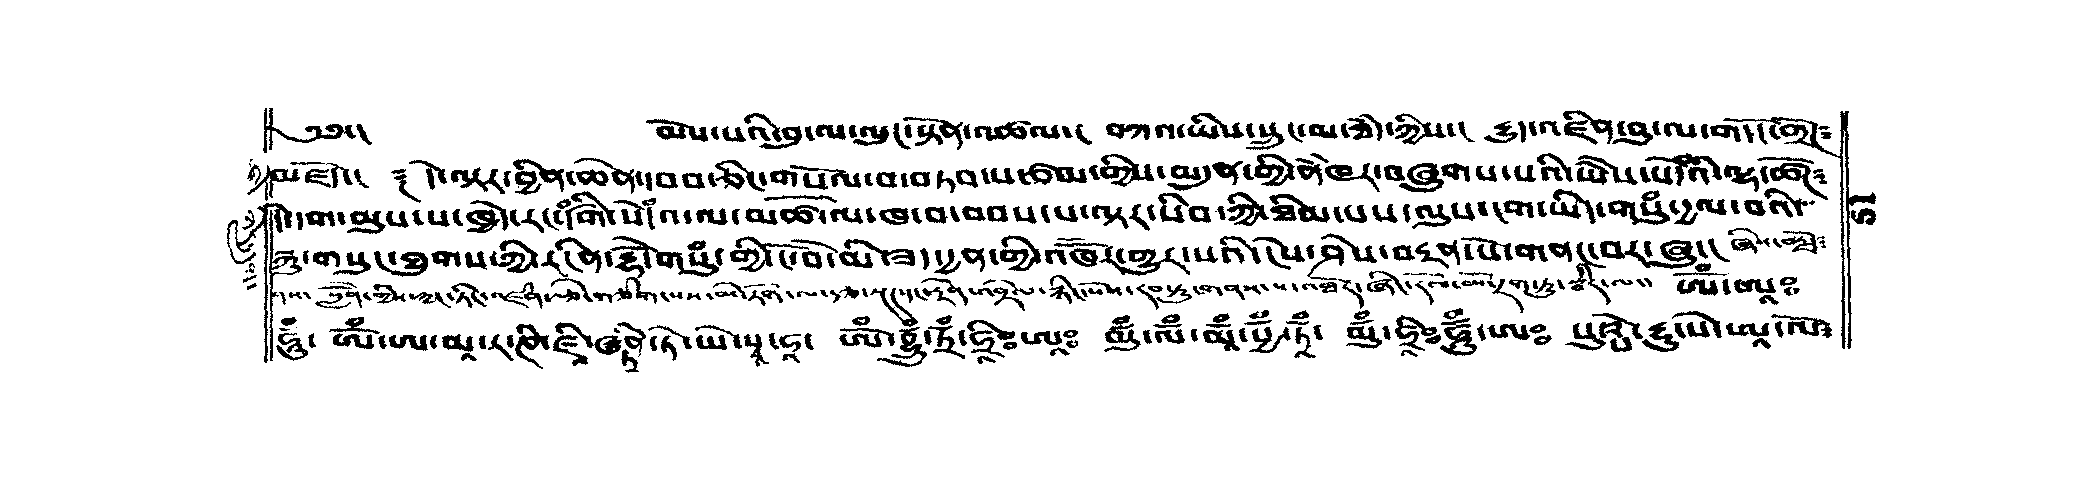མོས་པའི་བུ་ལ་ལུང་སྟོན་འཚལ། བཀའ་ཡིས་སྲུང་མ་ཐམས་ཅད་ཀྱིས། རྒྱུད་འཛིན་བུ་ལ་གདོང་གྲོགས་
མཛོད། ༈ དེ་ལྟར་བྱིན་ཆེན་དབབ་ཅིང་གསོལ་བ་བཏབ་པ་ཙམ་གྱིས་མདུན་གྱི་ནམ་མཁར་བཞུགས་པའི་ཡེ་ཤེས་སེམས་དཔའི་ལྷ་ཚོགས་
དེ་དག་མུས་པ་ཁྱེད་རང་དམ་ཚིག་སེམས་དཔའ་ལ་མཚོ་ལ་ཁ་བ་བབས་པ་ལྟར་སིབ་ཀྱི་ཐིམ་པས་ལུས་ངག་ཡིད་གསུམ་རྒྱལ་བའི་
སྐུ་གསུང་ཐུགས་ཀྱི་རང་བཞིན་རྡོ་རྗེ་གསུམ་གྱི་ངོ་བོ་མི་ཟད་རྒྱན་གྱི་འཁོར་ལོ་གྱུར་པའི་ངེས་ཤེས་བརྟན་པོ་གནང་བ་ཞུ། ཞེས་བརྗོད་
འདས། སློབ་དཔོན་གྱི་ཀྱང་ཏིང་འཛིན་རྩེ་གཅིག་པས་མེ་ཏོག་ལ་རྩ་སྔགས་དང་རྟེན་འབྲེལ་སྙིང་པོས་རབ་ཏུ་གནས་པ་འཐོར་ཞིང་རོལ་མོ་དྲག་ཏུ་སྦིར་ལ། ཨོཾ་ཨཱཿ
ཧཱུྃ། ཨོཾ་ཨ་མཱ་ར་ཎི་ཛཱི་ཝནྟྲི་ཏེ་ཡེ་སྭཱ་ཧཱ། ཨོཾ་བྷྲུྃ་ཏྲྃ་ཧྲཱིཿ མུྃ་ལྃ་མཱྃ་པྱྃ་ཏཱྃ། མུྃ་ཧྲཱིཿཧཱུྃ་ཨཿ པུཥྤེ་དྷུ་པེ་ཨཱ་ལོ་